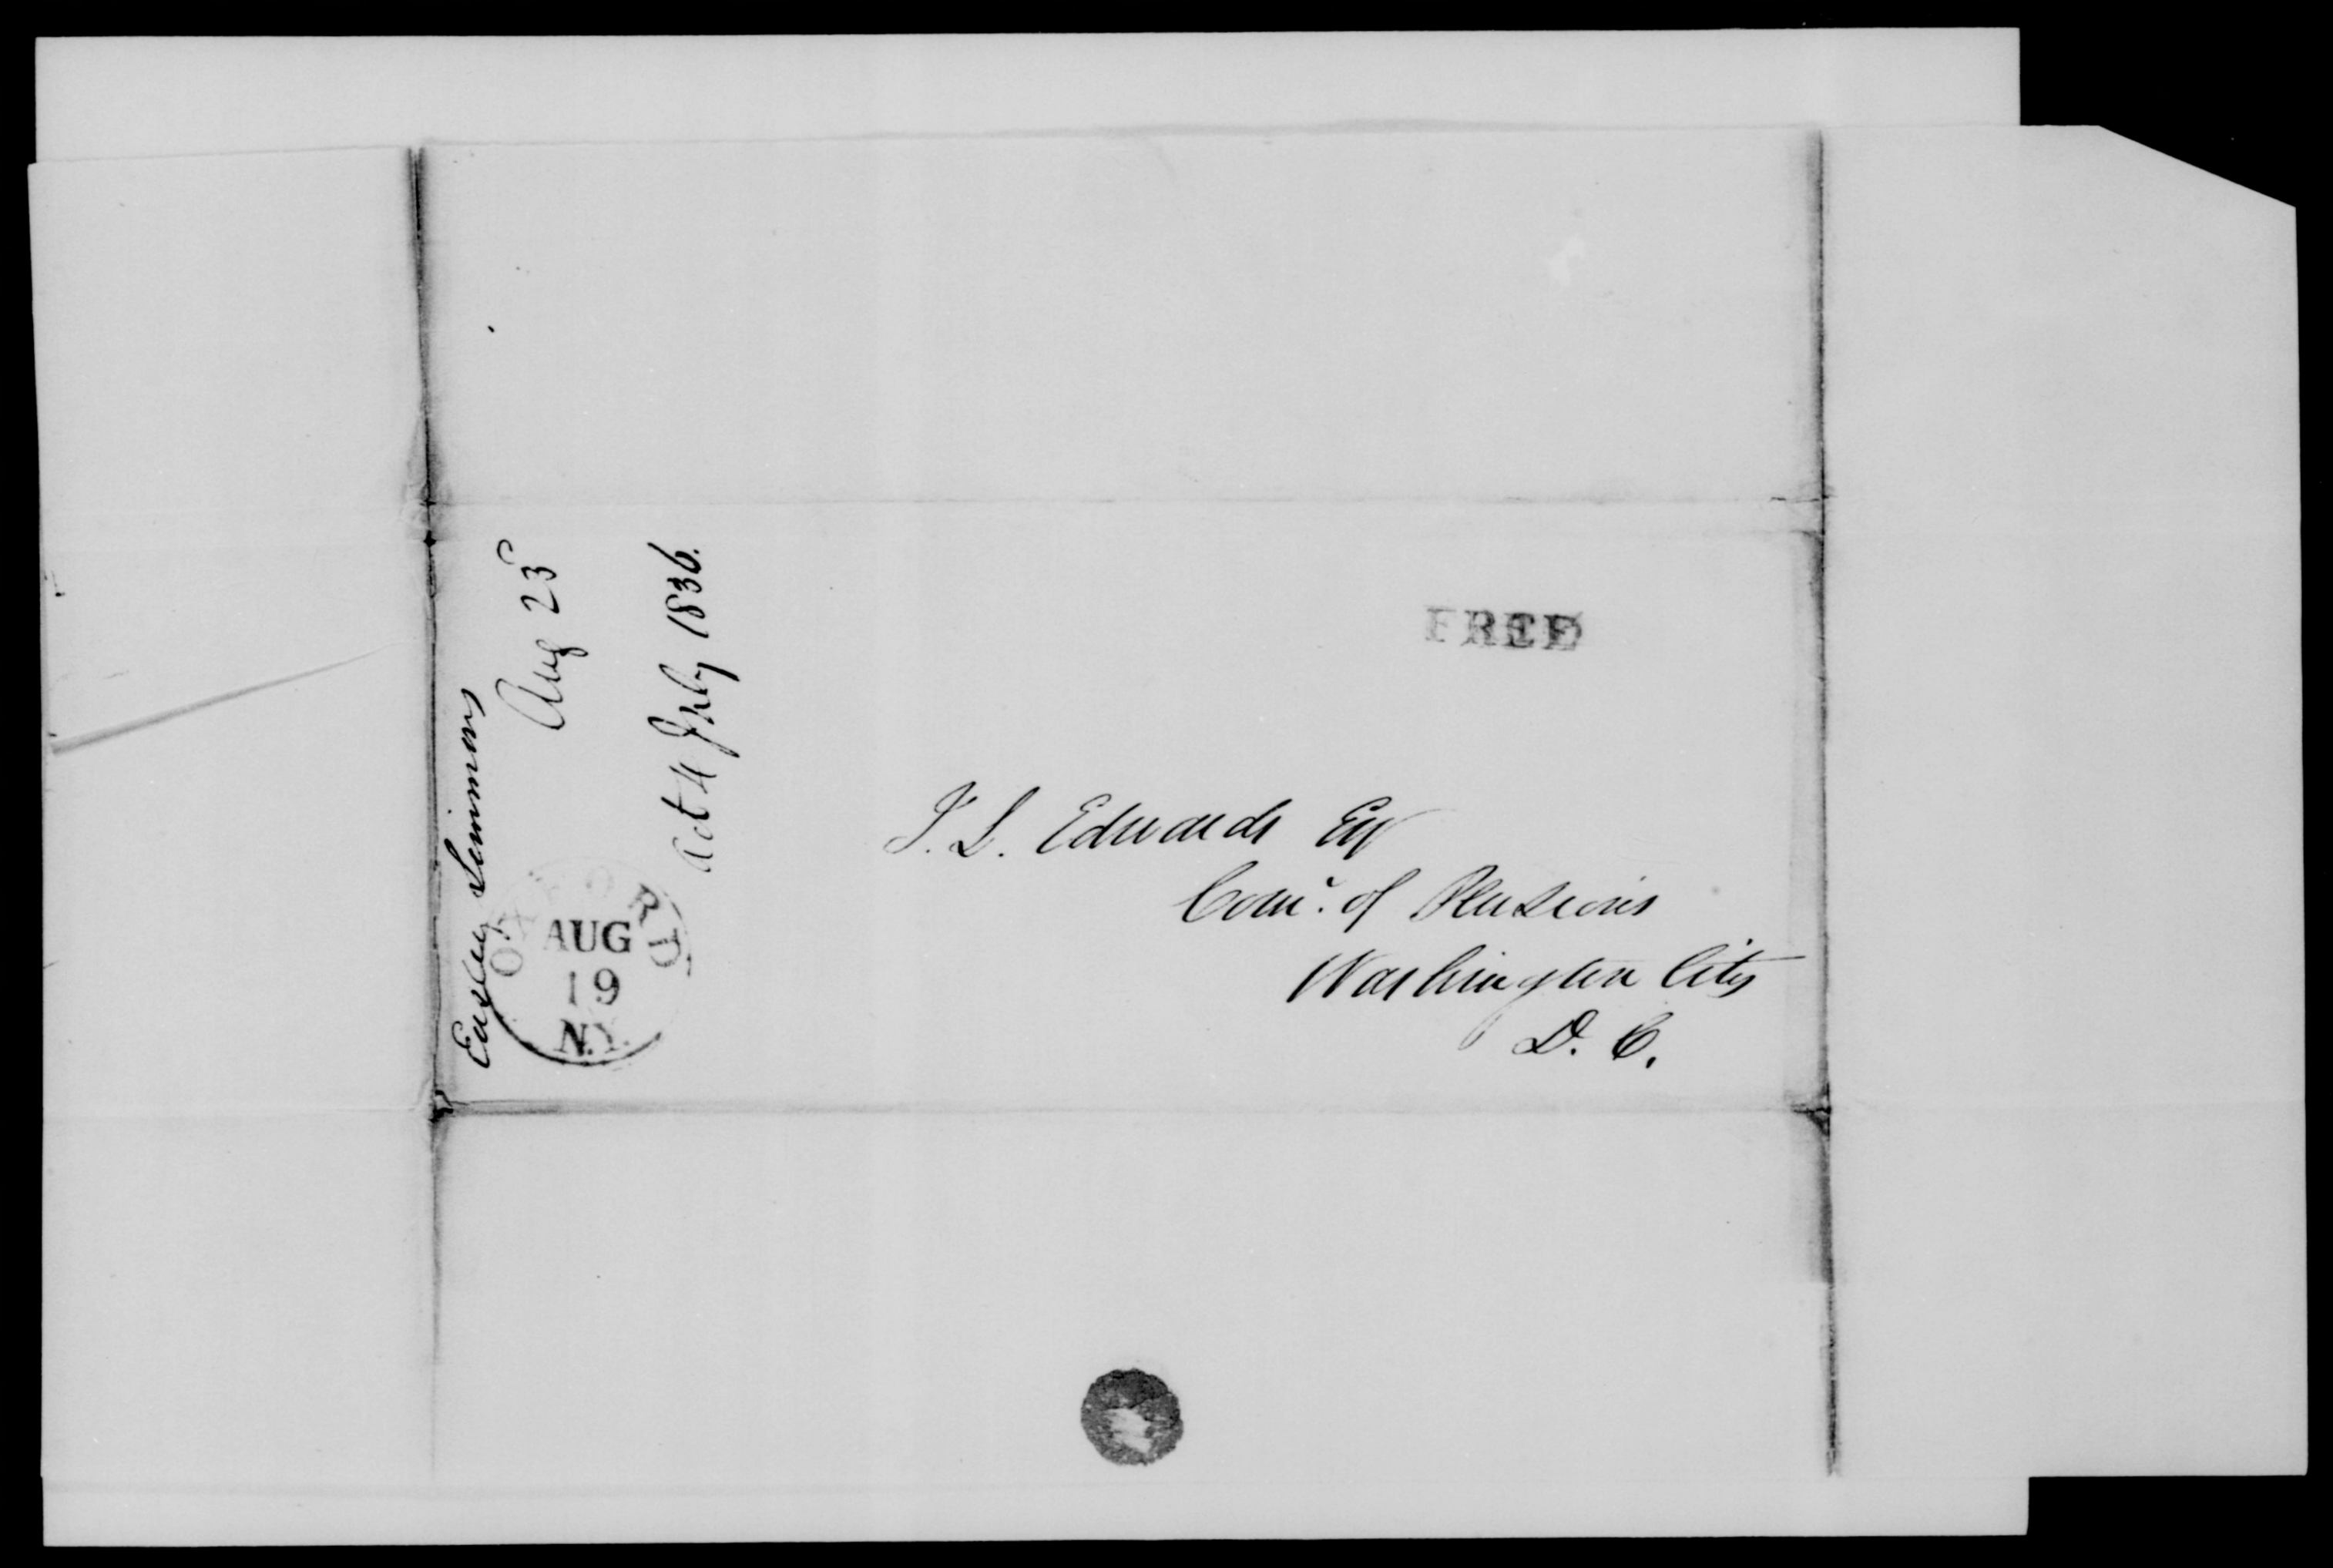FREE

J.L. Edwards Esq
Com. of Pensions
Washington City D.C.

Ensley Simmons
Aug 23
Act 4 July 1836

Oxford N.Y. Aug 19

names: J L Edwards; Ensley Simmons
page: 22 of 29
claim: widow's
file: W. 19,032, for Ensley Simmons, New York